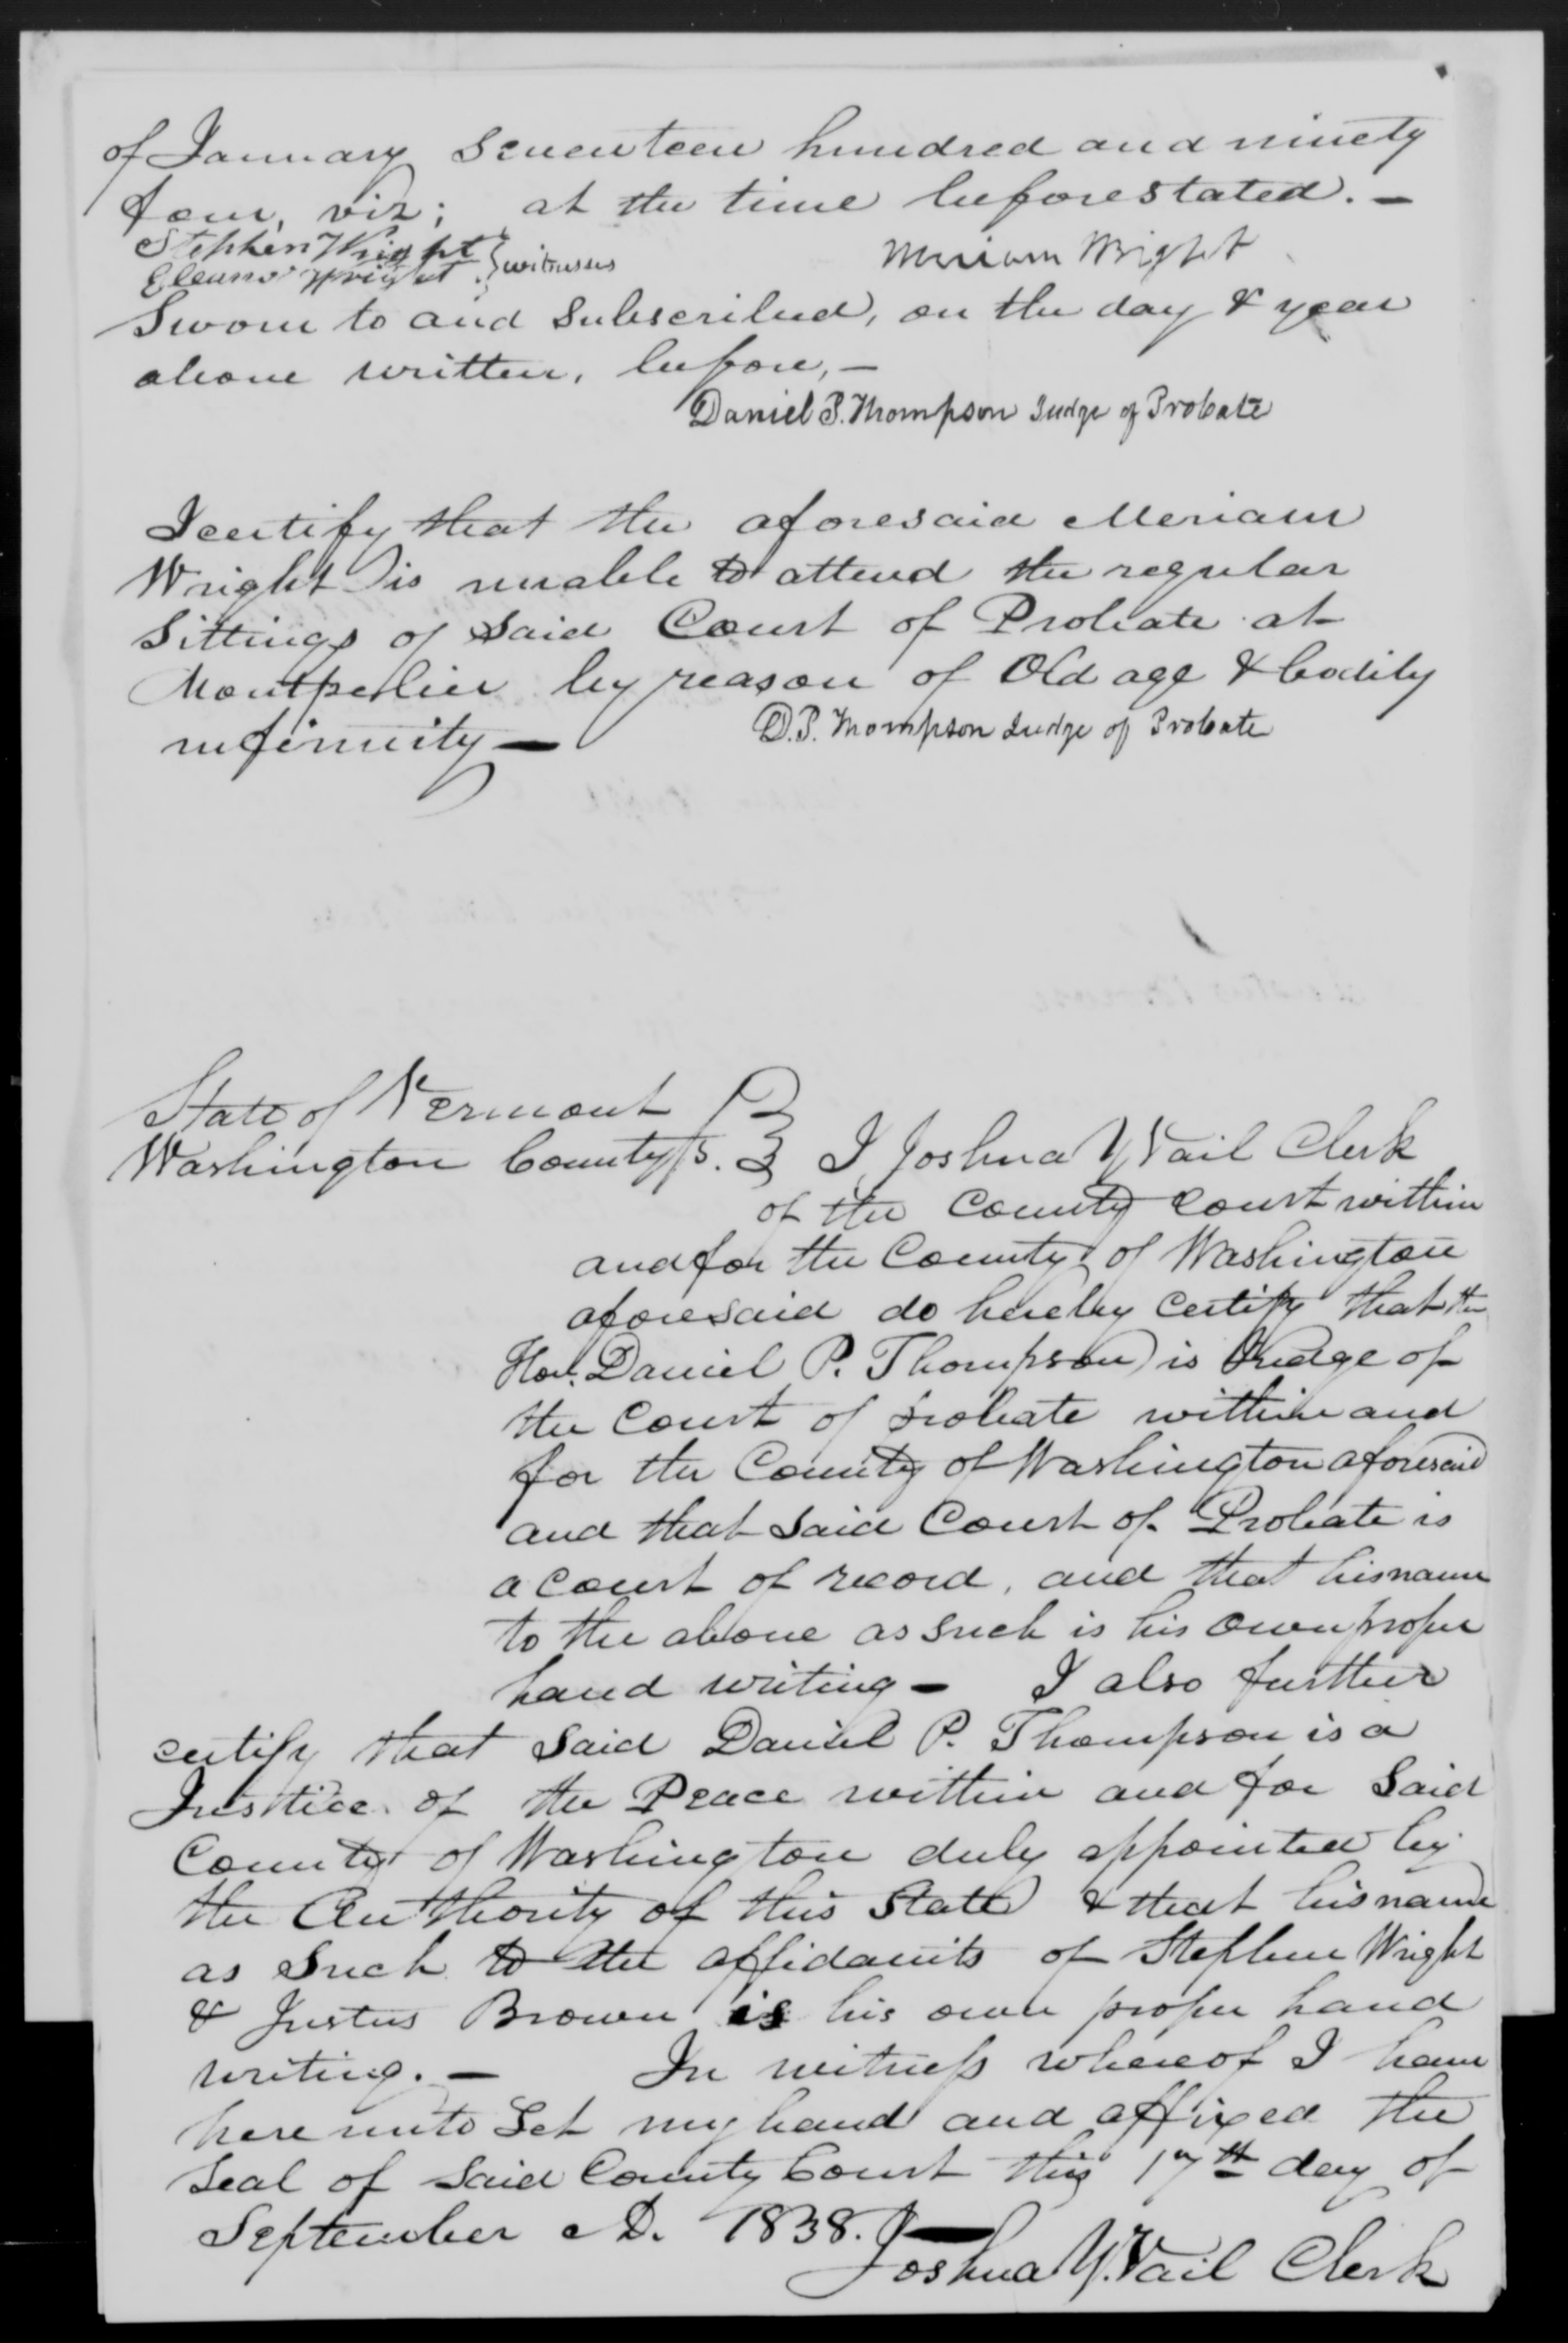of January Seventeen hundred and ninety four, viz; at the time before stated.-
Stephen Wright} witnesses      Meriam Wright
Eleanor Wright } 
Sworn to and subscribed, on the day & year
above written, before,-
Daniel S. Thompson Judge of Probate
I certify that the aforesaid Meriam Wright is unable to attend the regular Sittings of said Court of Probate at Montpelier by reason of old age & bodily infirmity-
D.P. Thompson Judge of Probate

State of Vermont       }
Washington County. ⎬
I Joshua Y Vail Clerk of the County Court within
and for the County of Washington aforesaid do hereby certify that the Hon Daniel P. Thompson is Judge of the Court of Probate within and
for the County of Washington aforesaid and that said Court of Probate is a Court of record, and that his name to the above as such is his own proper hand writing-- I also further
certify that said Daniel P. Thompson is a
Justice of the Peace within and for said
County of Washington duly appointed by
the Authority of this State & that his name
as such to the affidavits of Stephen Wright
& Justus Brown is his own proper handwriting-
In witness whereof I have hereunto set my hand and affixed the Seal of said County Court this 17th day of September AD. 1838 
Joshua Y. Vail Clerk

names: Daniel P Thompson, Meriam Wright, Joshua Y Vail, Stephen Wright, Eleanor Wright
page: 14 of 26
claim: widow's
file: W. 26,137, Elijah Wright, N.H.